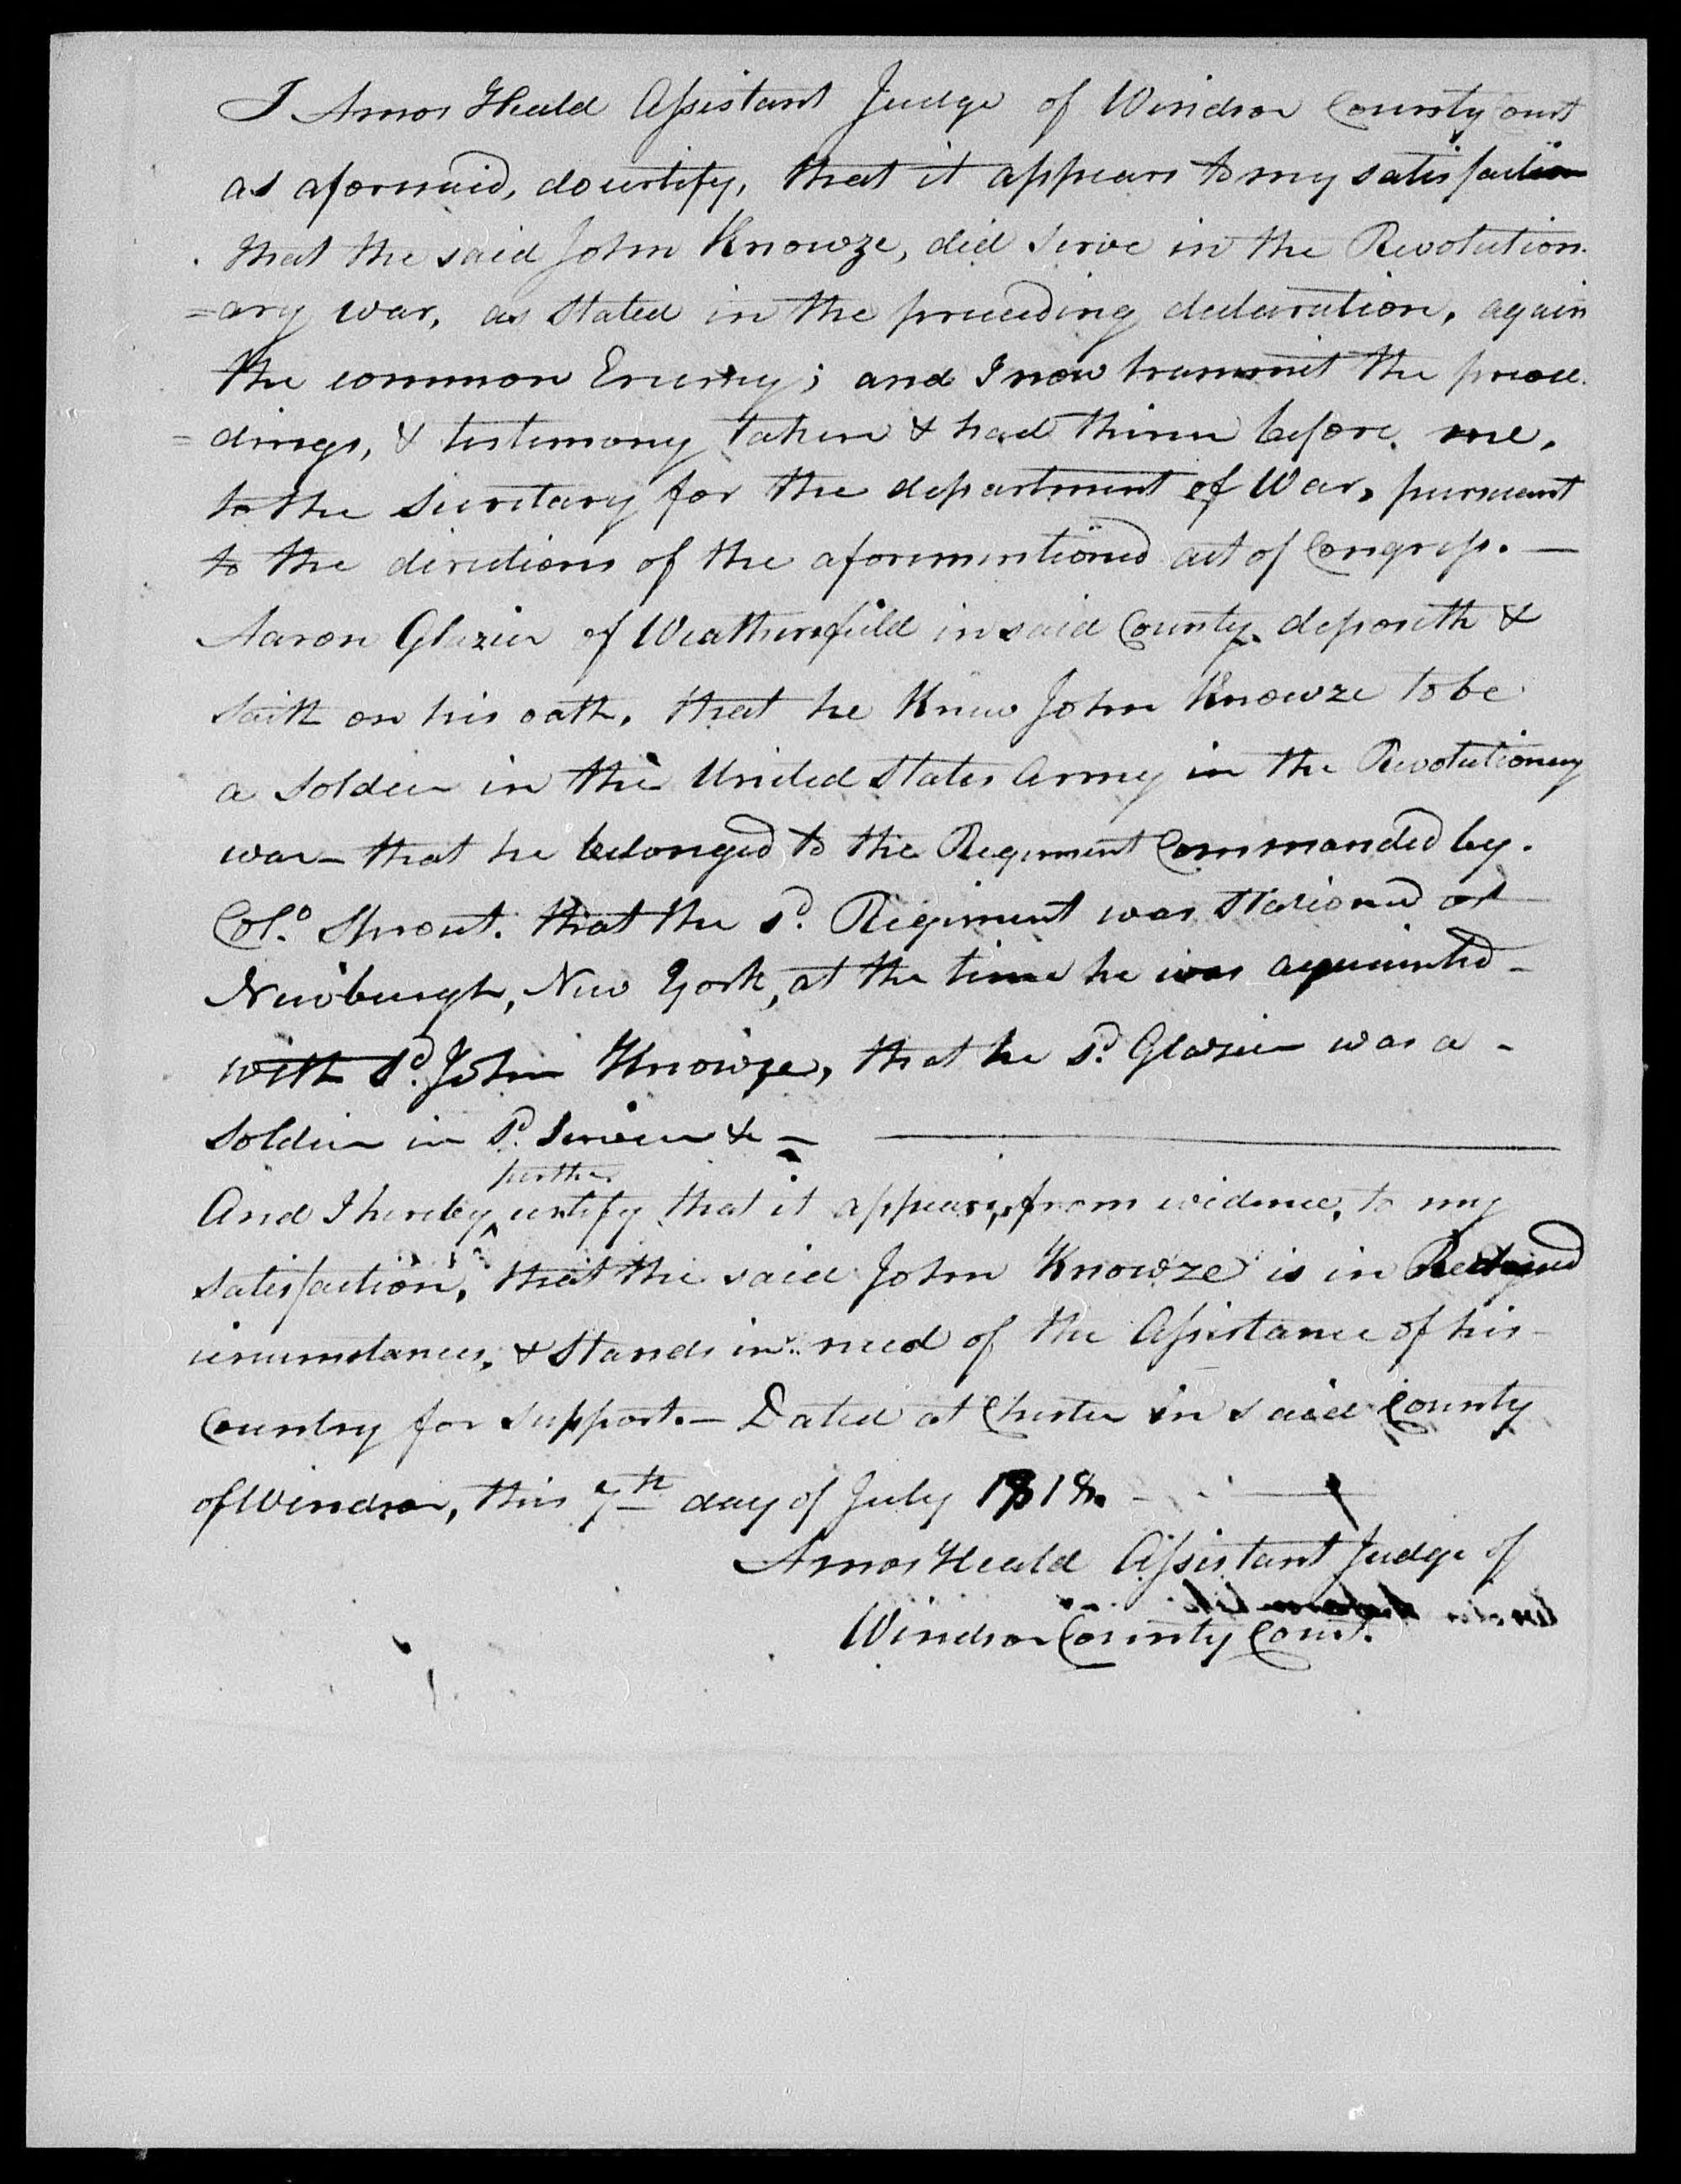I Amos Heald Assistant Judge of Windsor County Court as aforesaid, do certify, that it appears to my satisfaction that the said John Knowze, did serve in the Revolutionary war, as stated in the preceding declaration, against the common Enemy; and I now transmit the procedings & testimony taken & had then before me, to the Secretary for the department of War, pursuant to the directions of the aforementioned act of Congress. --- 

Aaron Glazier of Weathersfield in said County deposith & saith on his oath, that he knew John Knowze to be a soldier in the United States Army in the Revolutionary war that he belonged to the Regiment commanded by Col Sprout that the sd Regiment was stationed at Newburgh, New York, at the time he was acquainted with sd John Knowze, that he sd Glaze was a Soldier in sd Services
 
And I hereby further certify that it appears from evidence, to my satisfaction, that the said John Knowze is in Reduced circumstances, & stands in need of the assistance of his Country for support. Dated at Chester in said County of Windsor, this 7th day of July 1818 

Amos Heald Assistant Judge of Windsor County Court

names: Amos Heald; Aaron Glazier; John Knowze; [BLANK] Glazier; [BLANK] Shrout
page: 6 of 12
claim: survivor's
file: S. 40,907, for John Knowze, Massachusetts